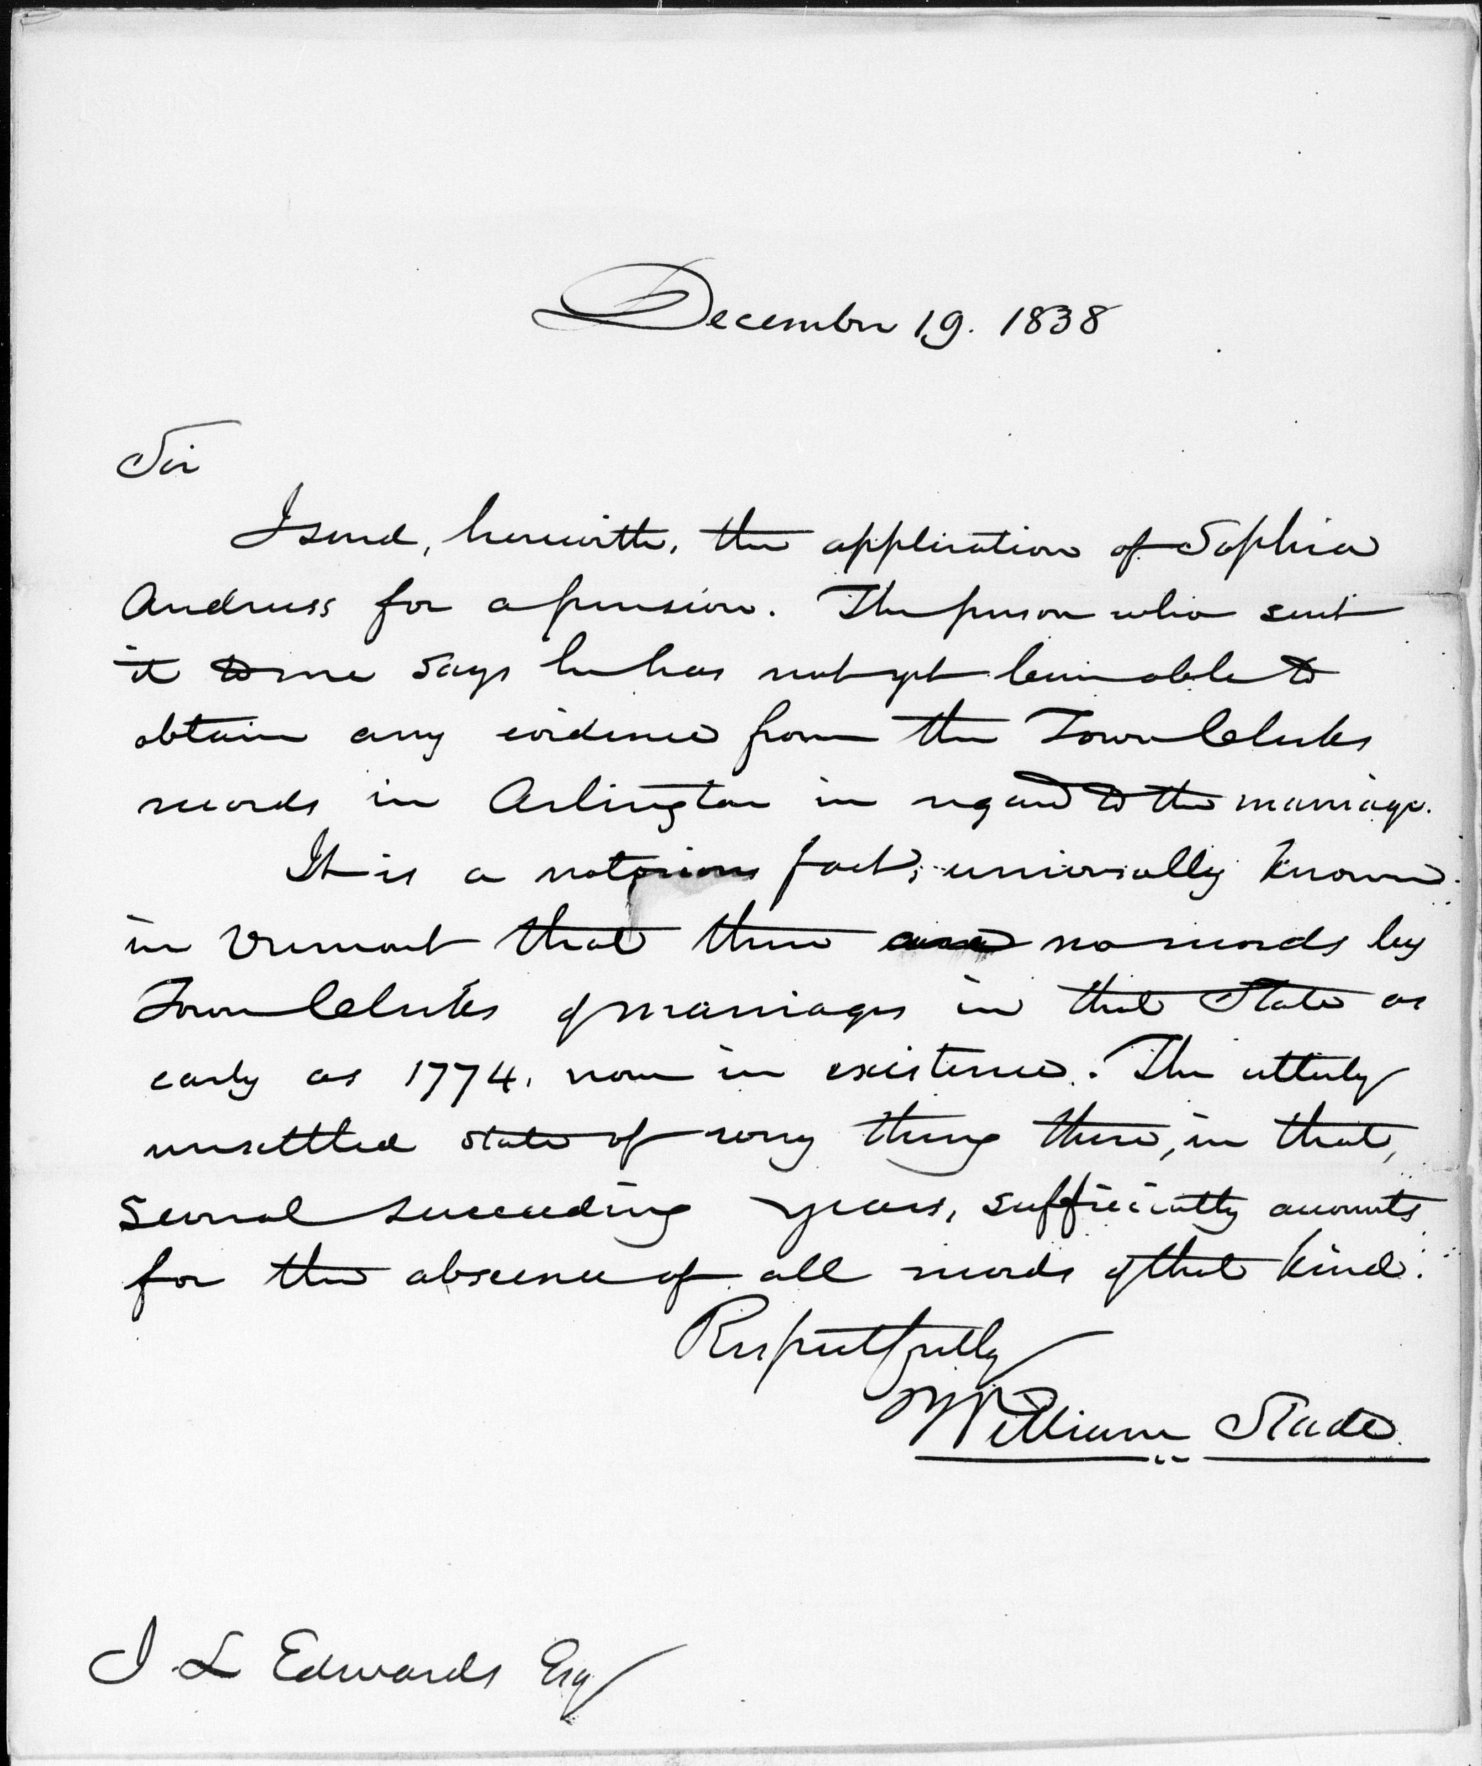December 19, 1838

Sir
I send herewith the application of Sophia
Andrews for a pension. The person who sent
it to me says he has not yet unable to obtain any evidence from the Town Clerks records in Arlington in regard to the marriage.
It is a notorious fact universally known
in tenant that then no words by Town Clerks
of marriages in that State of early as 1774, now in existence. the utterly settled state of my thing there, in that Serial succeeding
years, sufficiently accounts for the absence of all words of that kind

Respectfully
William Stade

J L Edwards Esq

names: J L Edwards, William Slade, Sophia Andruss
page: 24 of 27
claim: rejected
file: R. 223, Eldad Andrus, Vt.